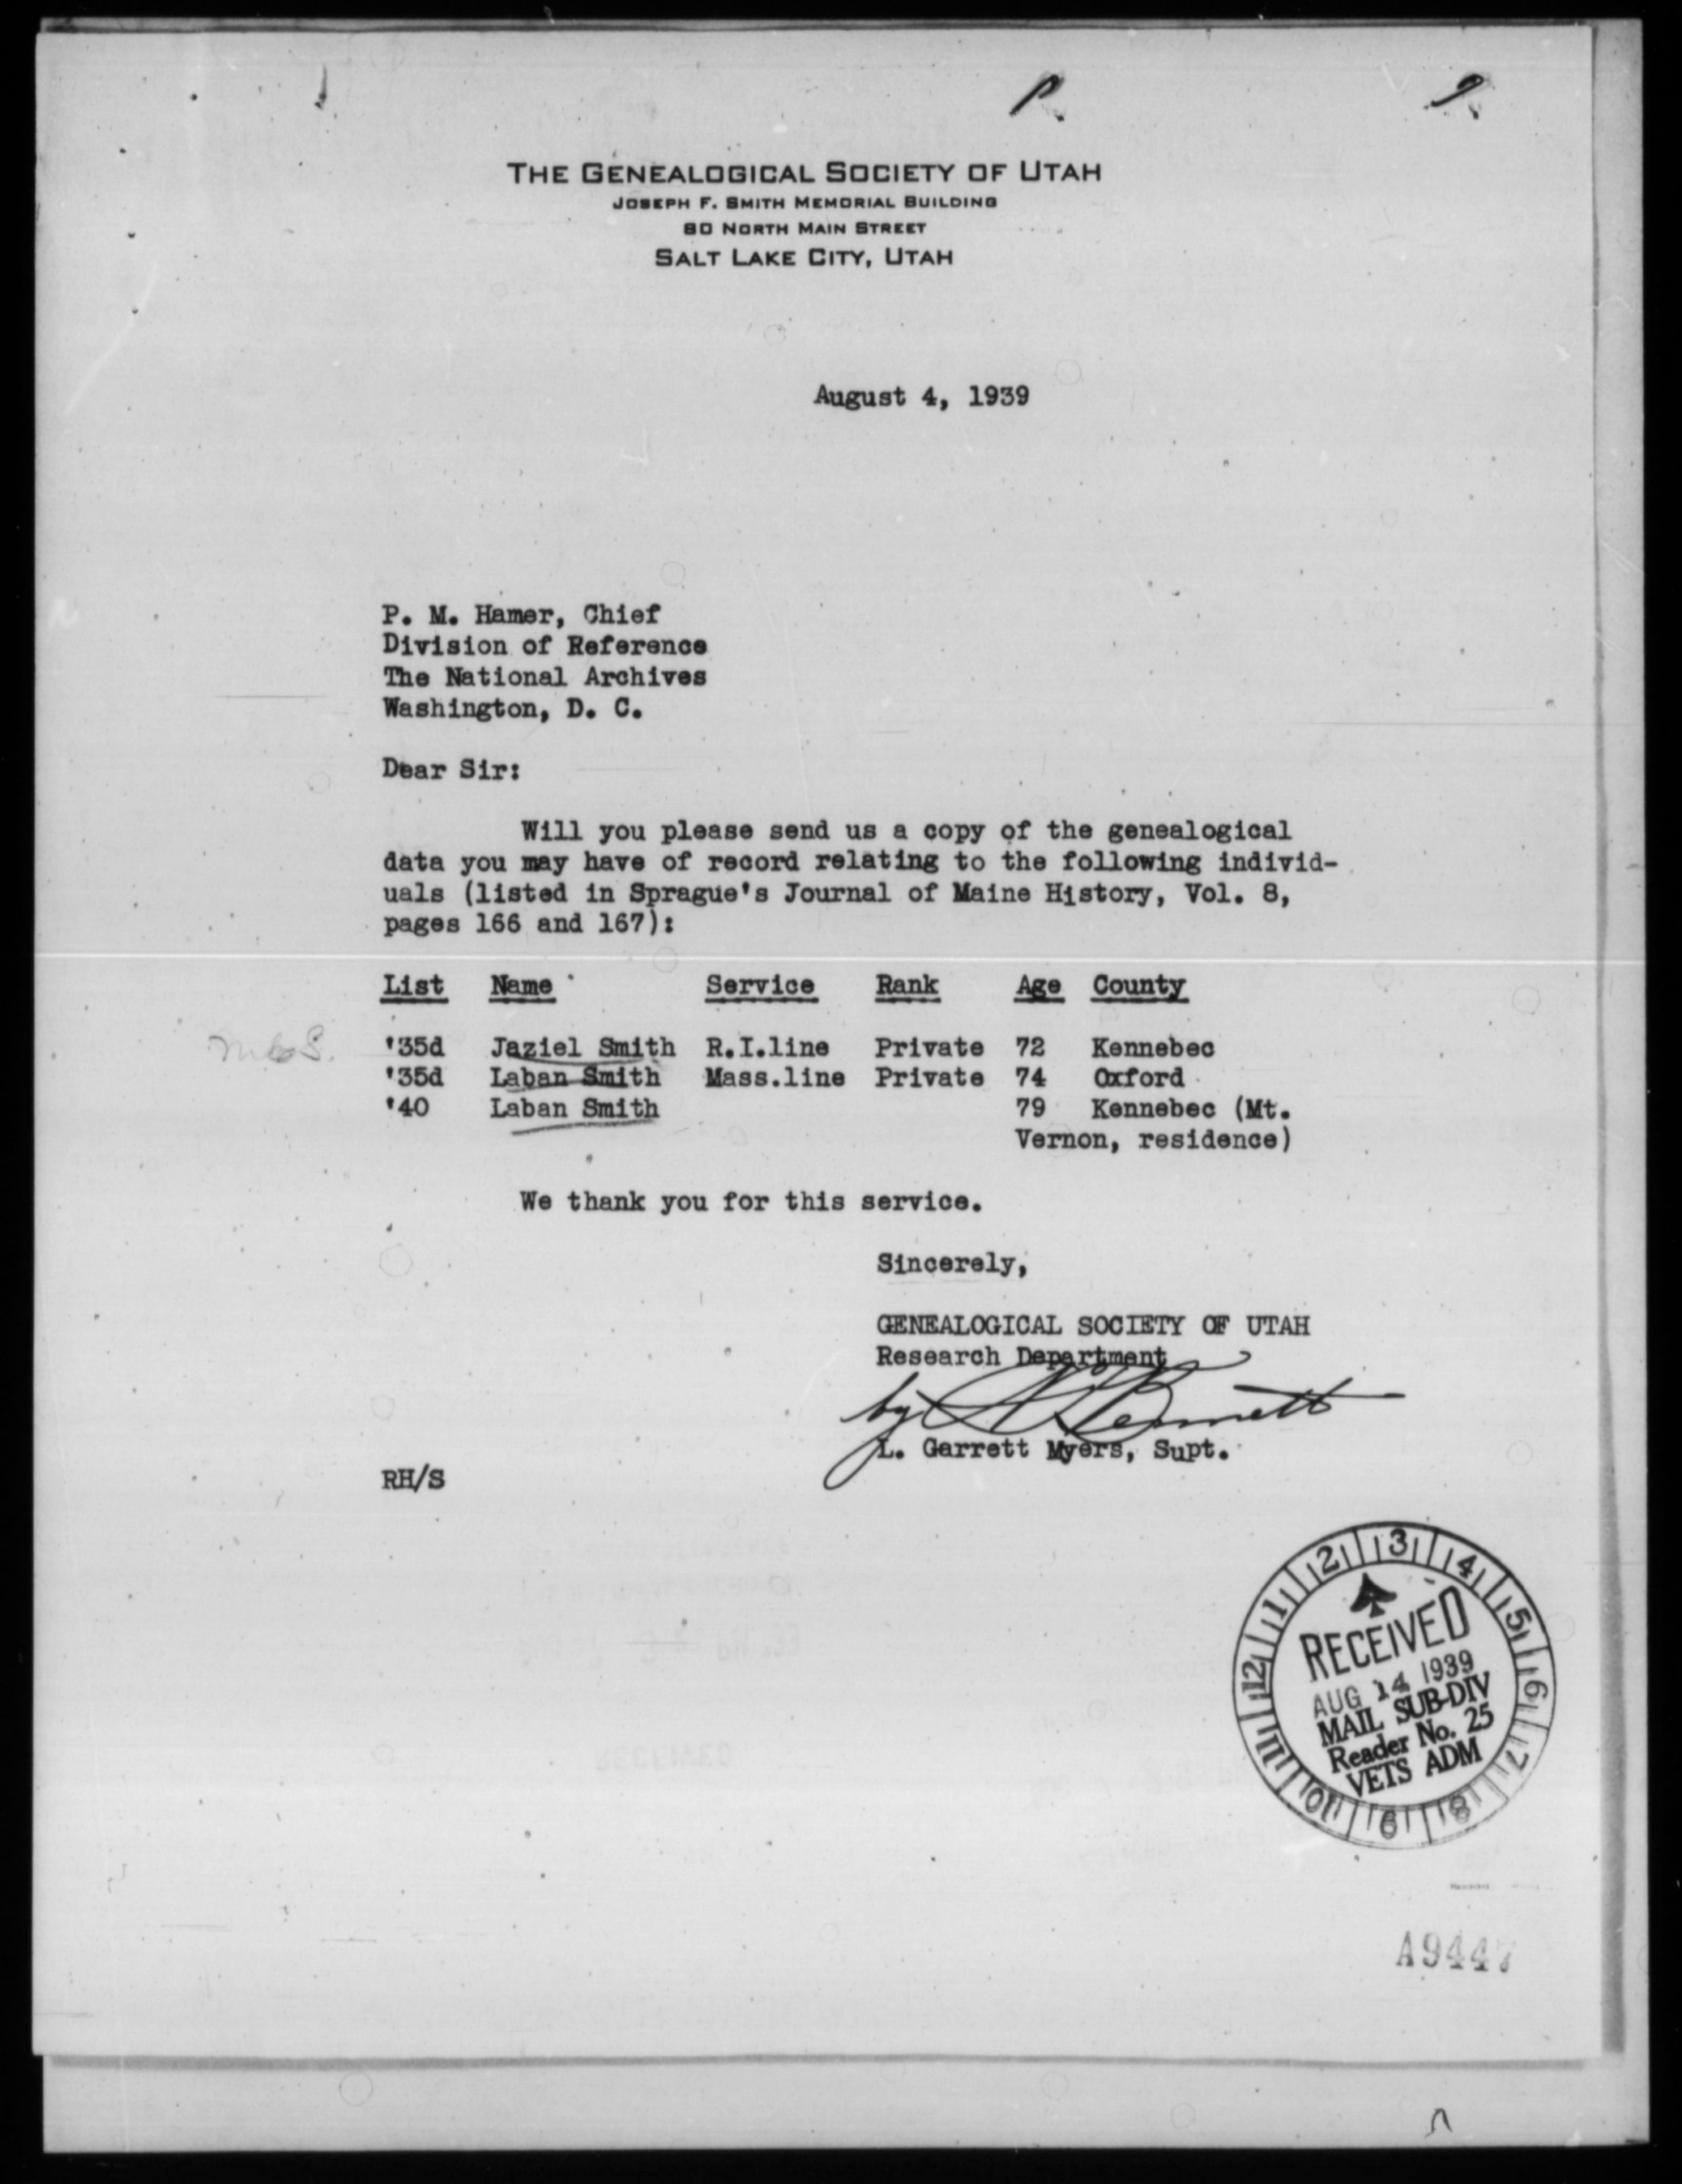THE GENEALOGICAL SOCIETY OF UTAH
Joseph F. Smith Memorial Building
80 North Mail Street
Salt Lake City, Utah
August 4, 1939

P.M. Hamer, Chief 
Division of Reference
The National Archives
Washington, D.C.

Dear Sir:

Will you please send us a copy of the genealogical
data you may have of record relating to the following individ-
uals (listed in Sprague's Journal O Maine History Vol. 8,
pages 166 and 167):

List/Name/Service/Rank/Age/County
'35d Jaziel Smith R.I. line Private 72 Kennebec
'35d Laban Smith Massline Private 74 Oxford
'40Laban Smith 79 Kennebec (Mt.
Vernon, residence
We thank you for this service.
Sincerely, 
GENEALOGICAL SOCIETY OF UTAH
Research Department
signature
RG/S L. Garrett Myers,Supt.
Received
Aug. 14 1939
MAIL SUB-DIV
Reader No. 25
VETS ADM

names: L Garrett Myers; A Bennett; P M Hamer; Laban Smith; Joseph F Smith; Jaziel Smith; Laban Smith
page: 19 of 20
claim: widow's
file: W 2362, for Jasiel Smith, Massachusetts